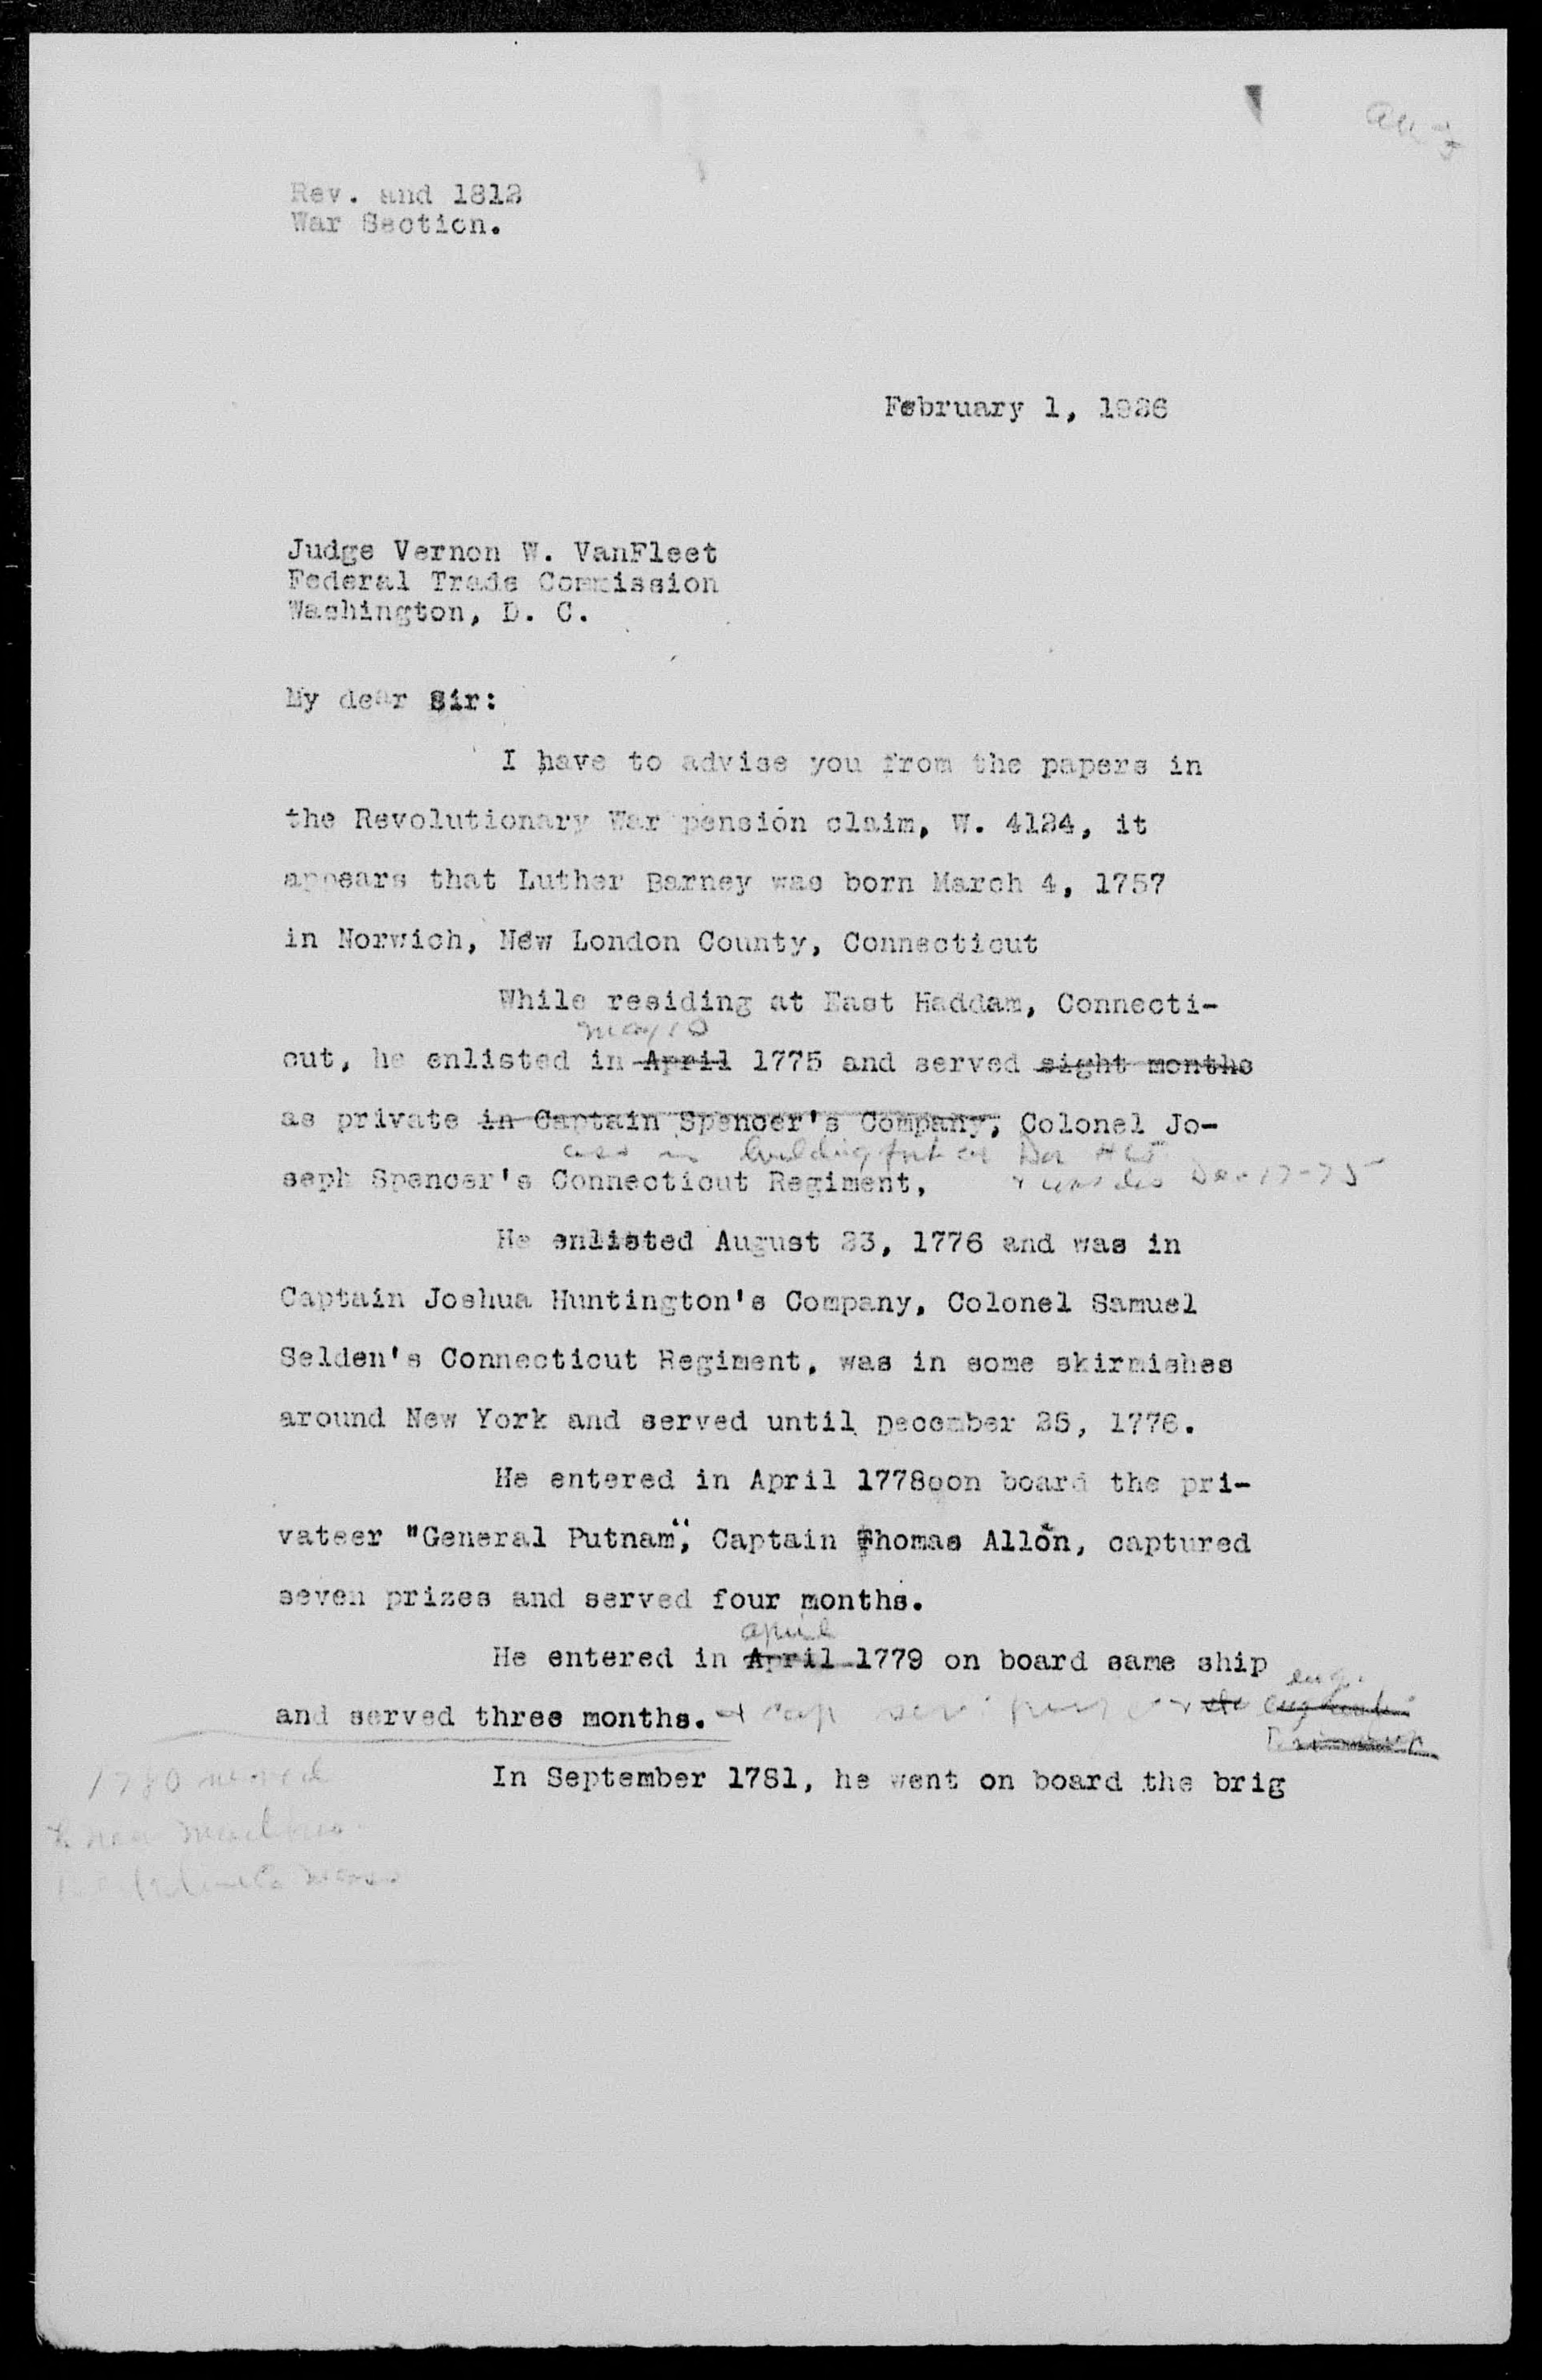Rev. and 1812 War Section.
February 1, 1936

Judge Vernon W. Van Fleet
Federal Trade Commission
Washington, D. C.

My dear Sir:

I have to advise you from the papers in the Revolutionary War pension claim, W. 4124, it appears that Luther Barney was born March 4, 1757 in Norwich, New London County, Connecticut

While residing at East Haddam, Connecticut, he enlisted in April [crossed out] May 10 1775 and served eight months [crossed out] as private in Captain Spencer's Company [4 words crossed out], Colonel Joseph Spencer's Connecticut Regiment, and in building fort by Dor Hts & [illegible] Dec 17-75

He enlisted August 23, 1776 and was in Captain Joshua Huntington's Company, Colonel Samuel Selden's Connecticut Regiment, was in some skirmishes around New York and served until December 25, 1776.

He entered in April 1778 on board the privateer "General Putnam", Captain Thomas Allen, captured seven prizes and served four months.

He entered in April 1779 on board same ship and served three months. [Illegible handwritten insertions]

In September 1781, he went on board the brig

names: Thomas Allen, Vernon W Van Fleet, Luther Barney, Thomas Allon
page: 60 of 61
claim: widow's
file: W. 4.124, Luther Barney, Conn. Privateer.